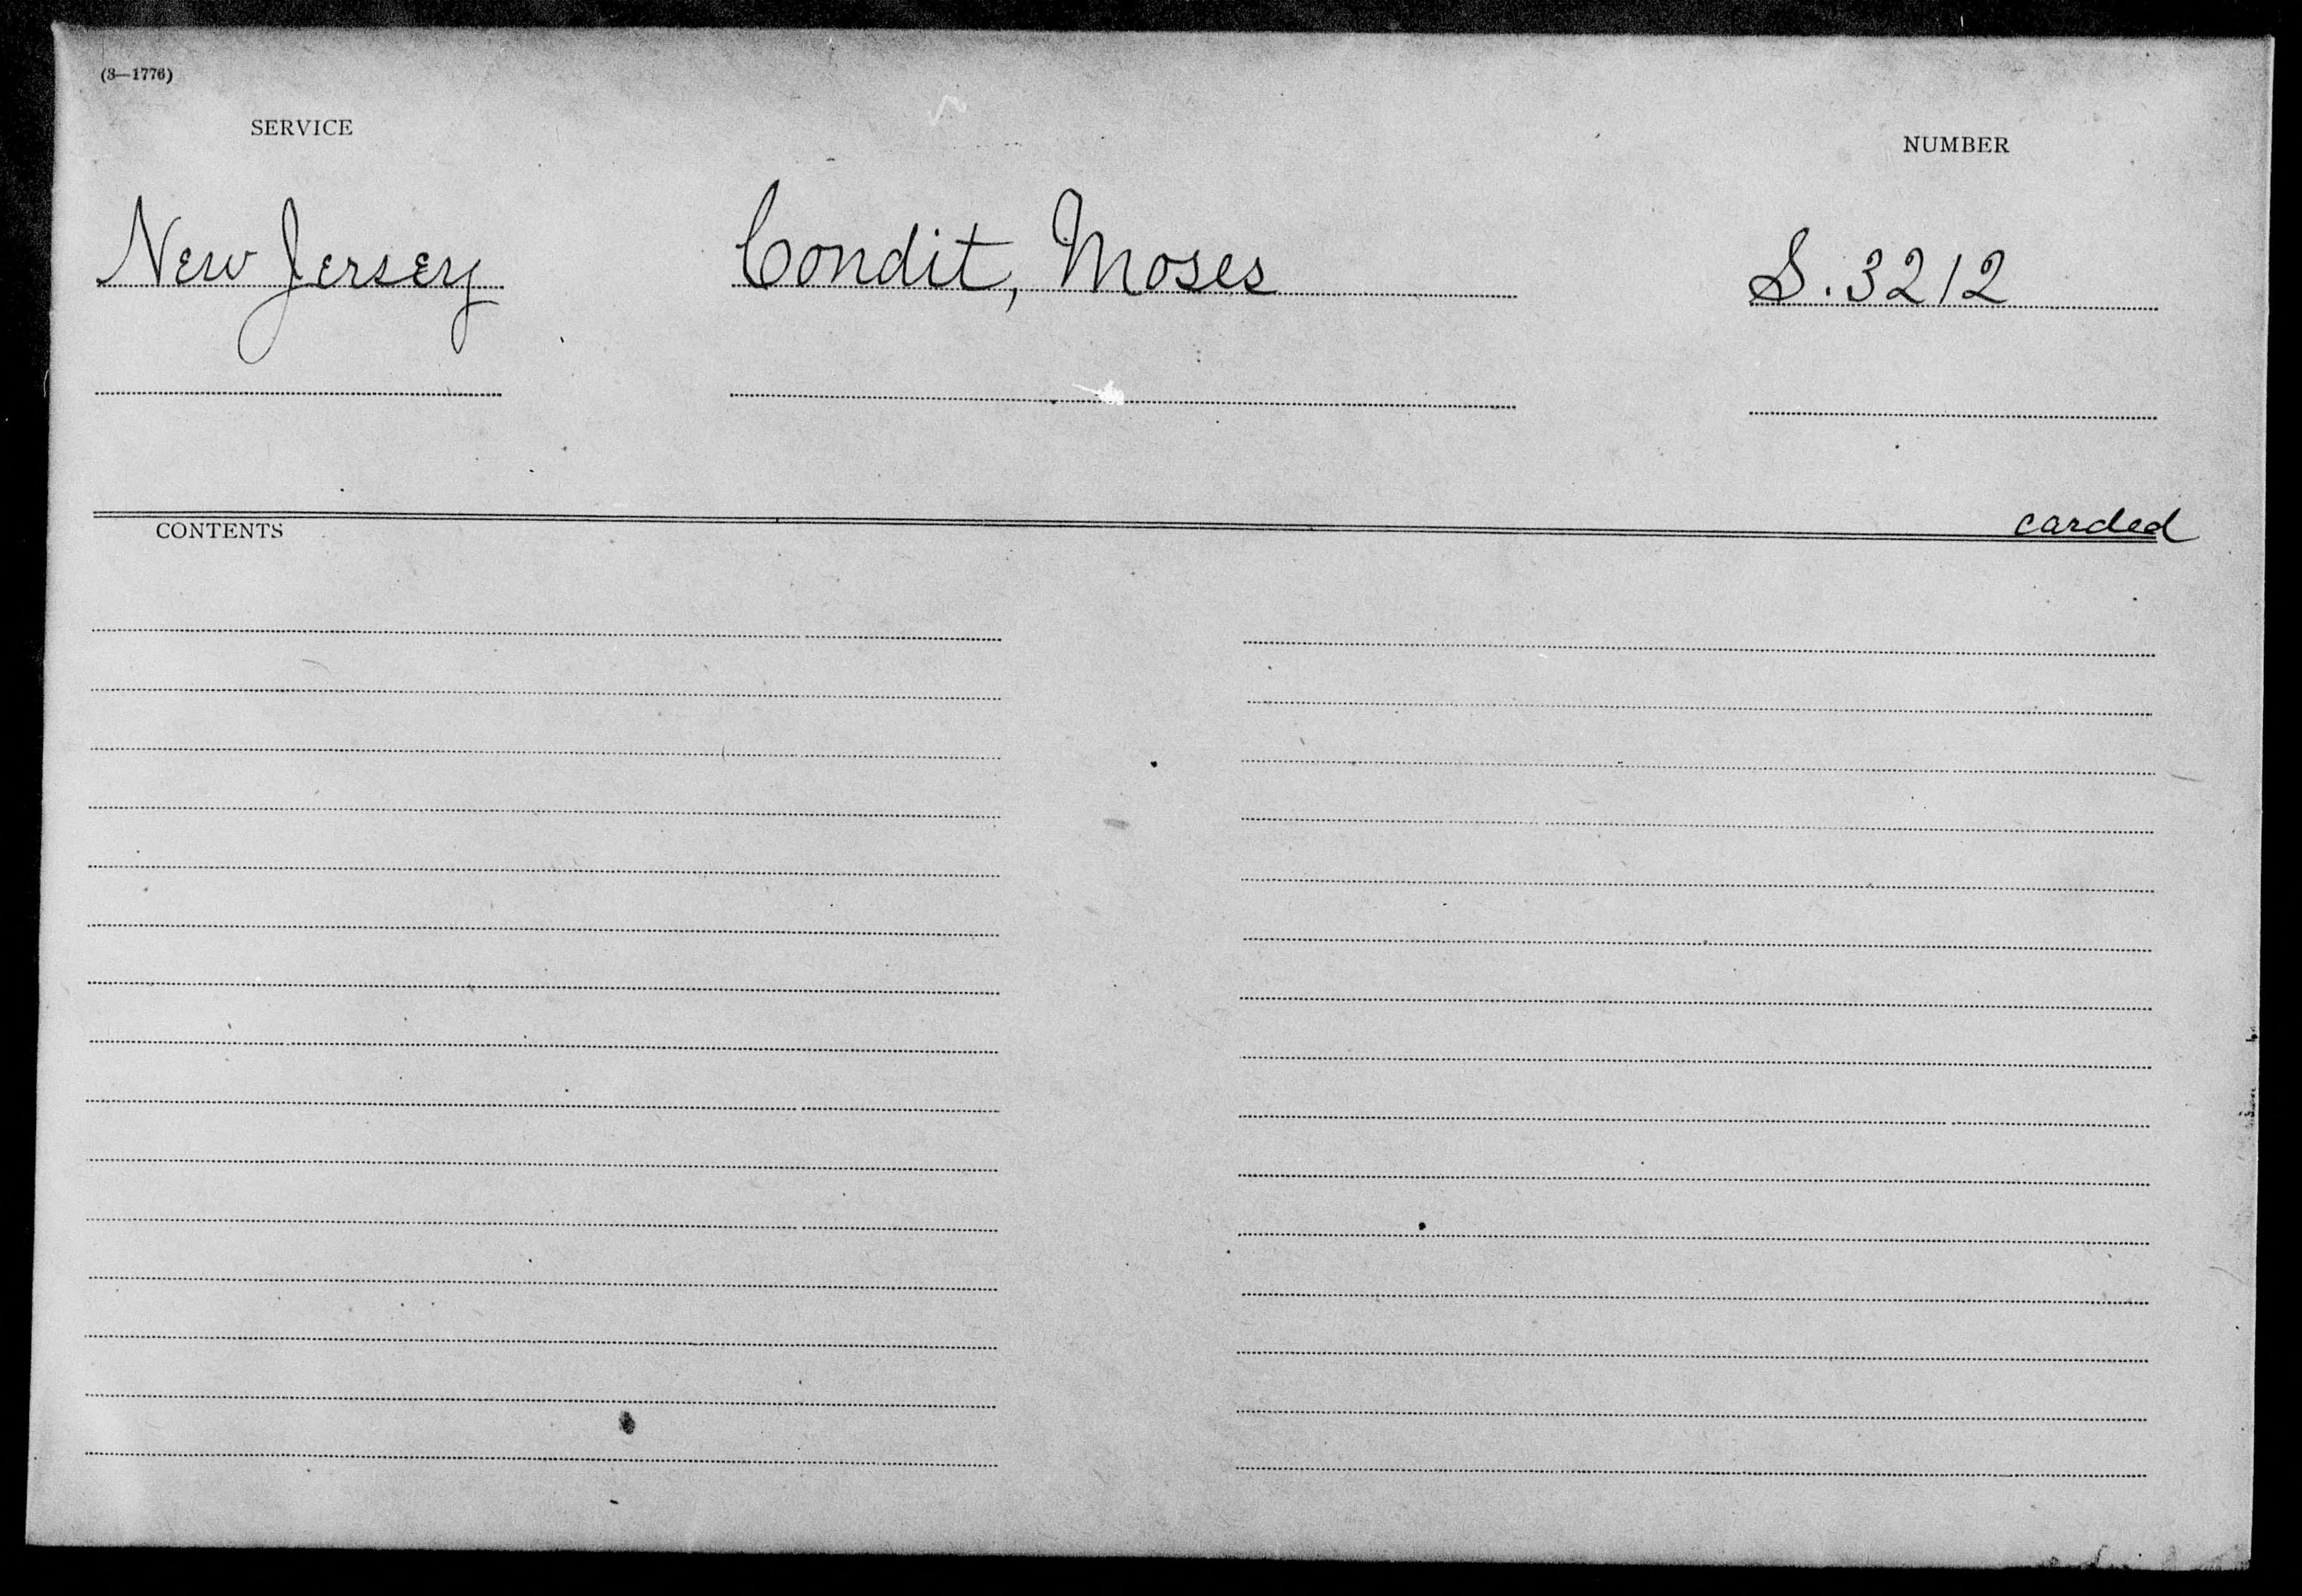[This page consists of printed text and blank lines for handwritten entries. At the top of the page, there are three columns, yet only two headers are present. The left column is headed with "SERVICE", the middle column has no header but makes space for name, the right column is headed with "NUMBER". The "|" will indicate a change to the next entry in the column.]

SERVICE | [No Header] | NUMBER
New Jersey | Condit, Moses | S. 3212.
carded

[Double Line Page Break followed by printed text header and two columns of 15 lines for entries]
CONTENTS
[No entries]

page: 1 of 23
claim: survivor's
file: S. 3212, Moses Condit, New Jersey